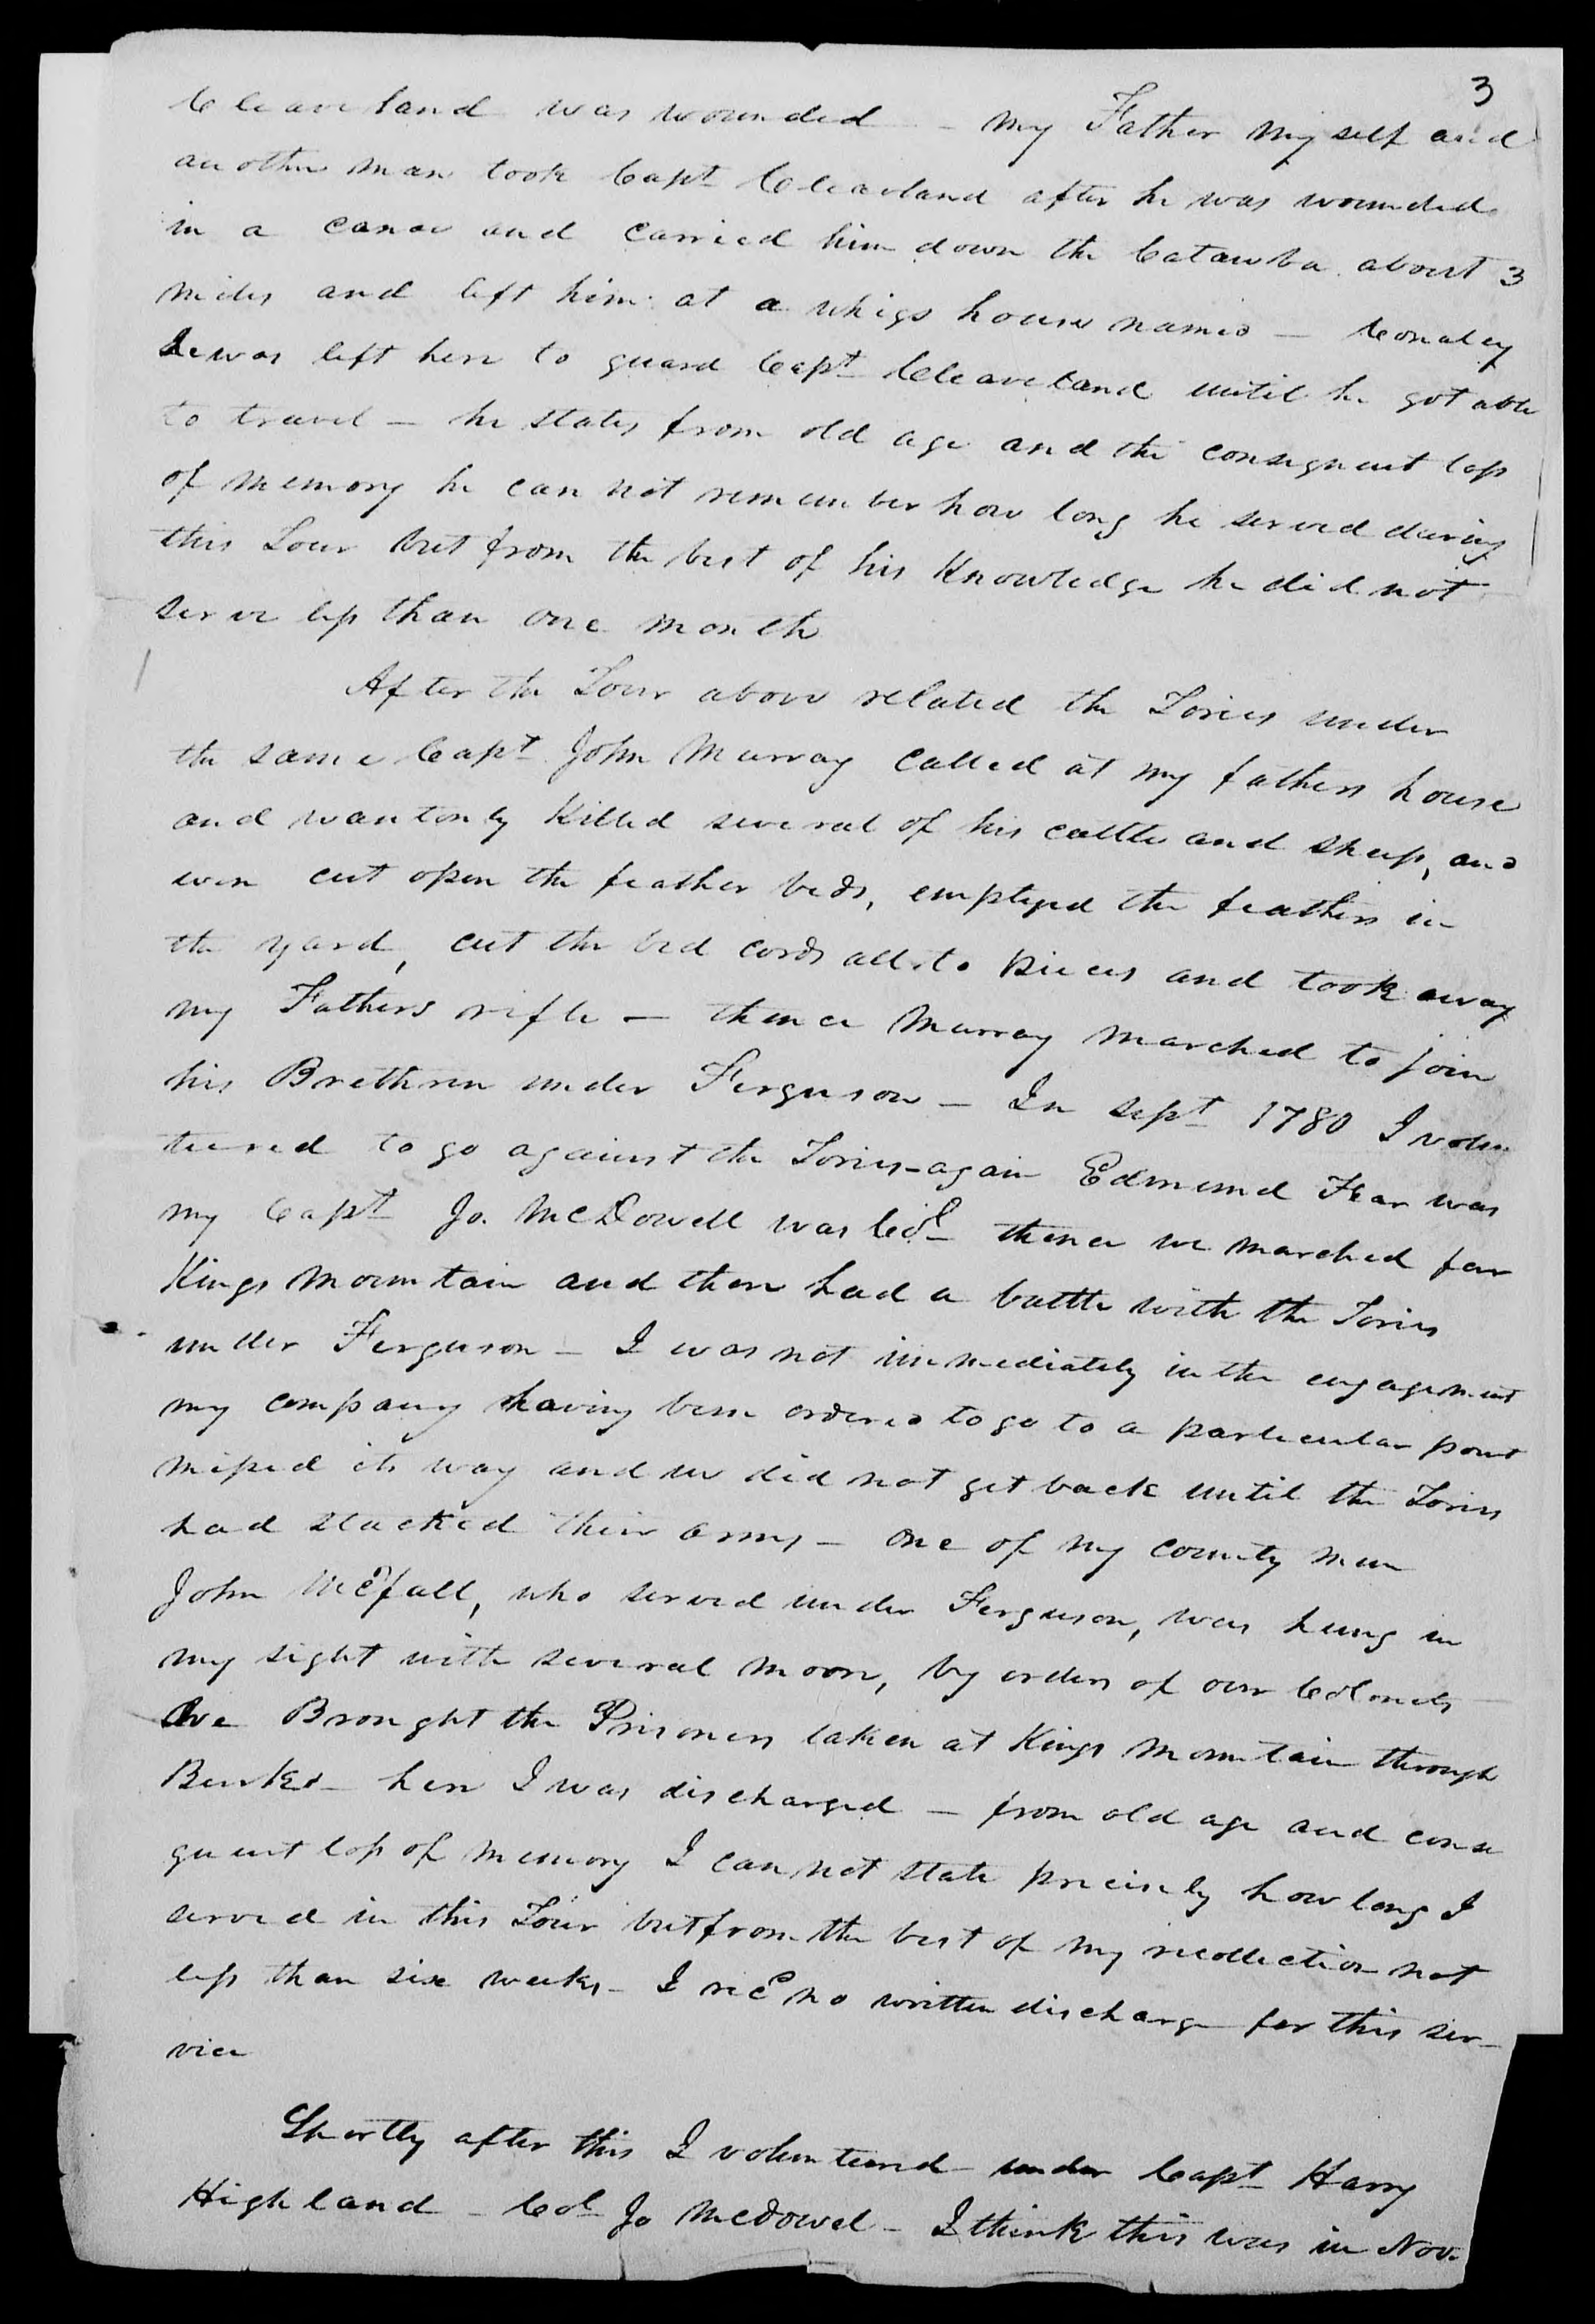Cleavaland was wounded--my Father myself and
another man took Capt. Cleavland after he was wounded
in a  canoe and carried him down the Catawba about 3 
miles and left him at a whigs home named--[illegible]
Sewas left him to guard Capt Cleaveland until he got able
to travel-- he states from old age and the consequent loss
of memory he can not remember how long he served during
this Tour but from the best of his knowledge he did not
serve less than one month.
After the Tour above related the Tories under the
same Capt. John Murray called at my fathers house
and wantonly killed several of his cattle and sheep, and
even cut open the feather beds, emptyed  the feathers in
the yard, cut the  bed cords all to pieces and took away
my Fathers rifle-- thence Murray marched to form
his Brethren under Ferguson. In Sept 1780 I volunteered
to go against the Tories--again Edmund Fear was
my Capt. , Jo. McDowell was Col.  thence we marched for
Kings mountain and then had a battle with the Tories
under Ferguson.  I was not immediately in the engagement
my company having been ordered to go to a particular part
missed it way and we did not get back until the Tories
had stacked their army--one of my country men John
McFall, who served under Ferguson, was hung in my
sight with several men, by order of our Colonel.
We brought the Prisoners taken at Kings mountain through
Burk--then I was discharged--from old age and consequent
loss of memory I cannot state precisely how long I served
in this Tour but from the best of my recollection not
less than six weeks-- I recd. no written discharge for this
service.
Shortly after this I volunteered under Capt. Harry
Highland-- Col. Jo. McDowell-- I think this was in Nov.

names: Cleaveland, Harry Highland, John Murray, Ferguson, Murray, Cleavland, Edmund Fear, John Mc Fall, Jo Mc Dowell, Cleaveland, Jo Mcdowel, Ferguson, Ferguson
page: 7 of 33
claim: survivor's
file: S. 15305, Richard Ballew, N.C.